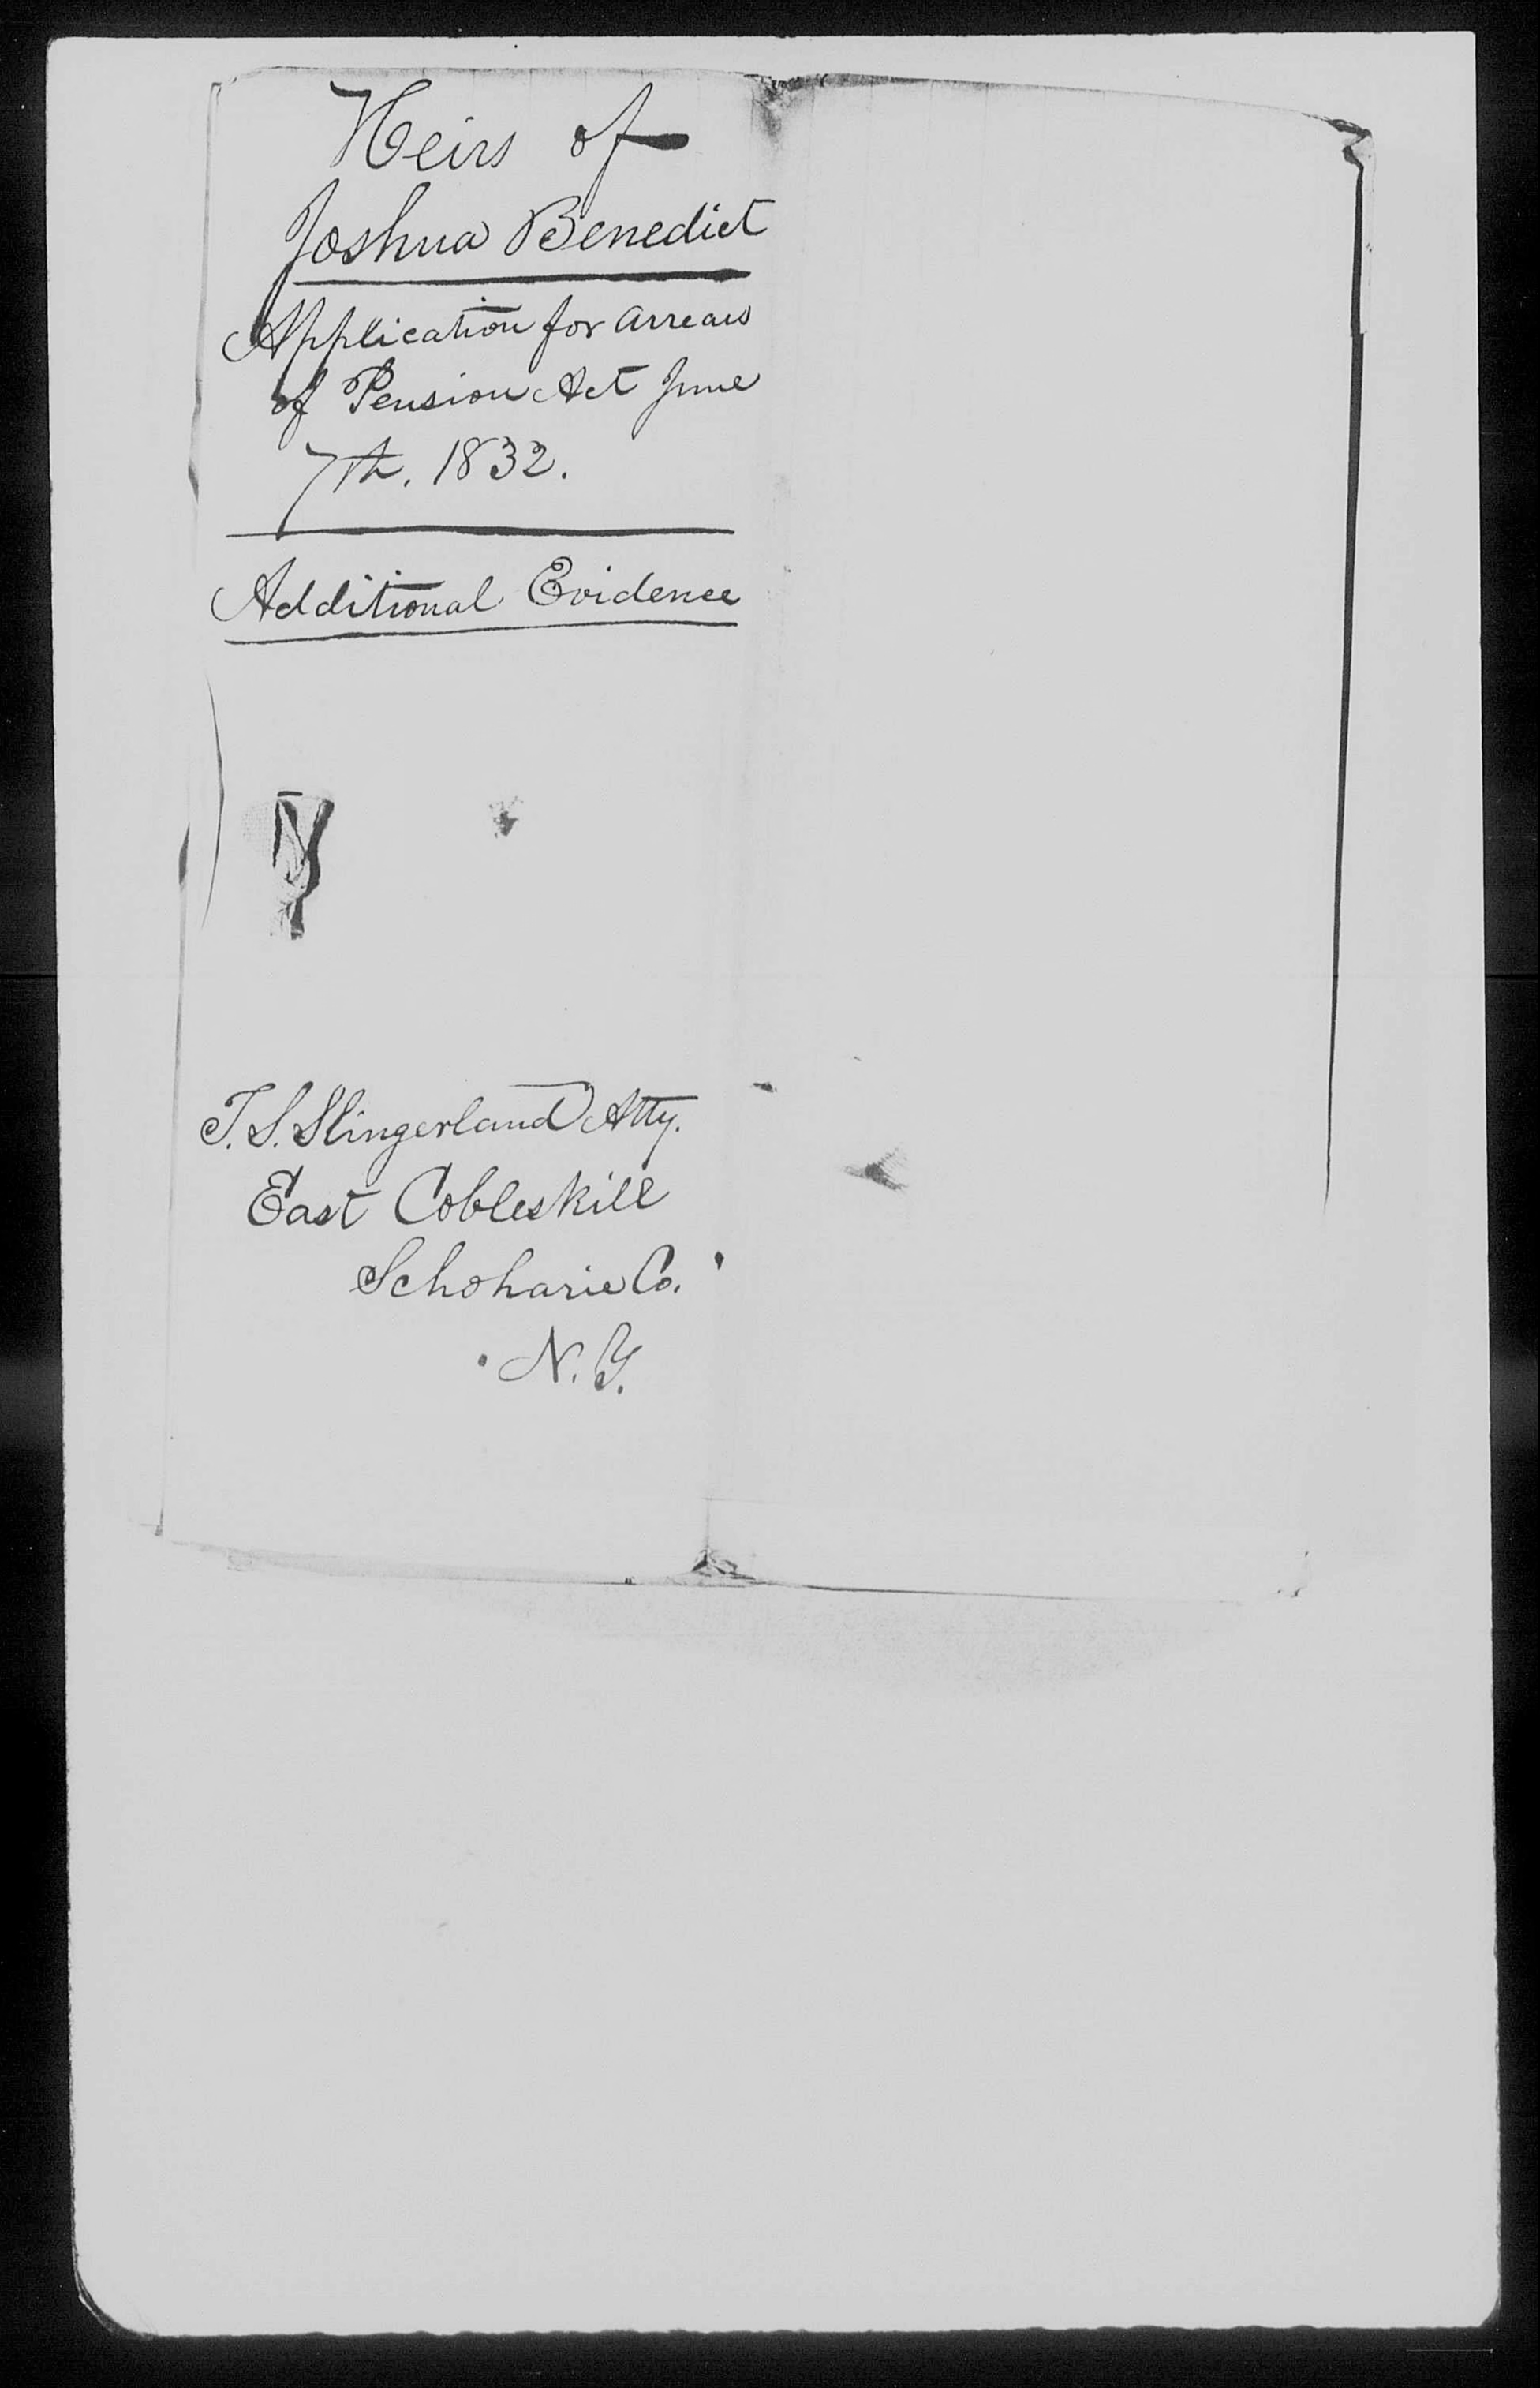Heirs of Joshua Benedict

Application for arrears of Pension Act June 7th. 1832.

Additional Evidence

T. S. Slingerland Atty.
East Cobleskill
Schoharie Co.
N.Y.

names: Joshua Benedict, T S Slingerland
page: 81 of 106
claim: survivor's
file: S 23,116., Joshua Benedict, Conn.